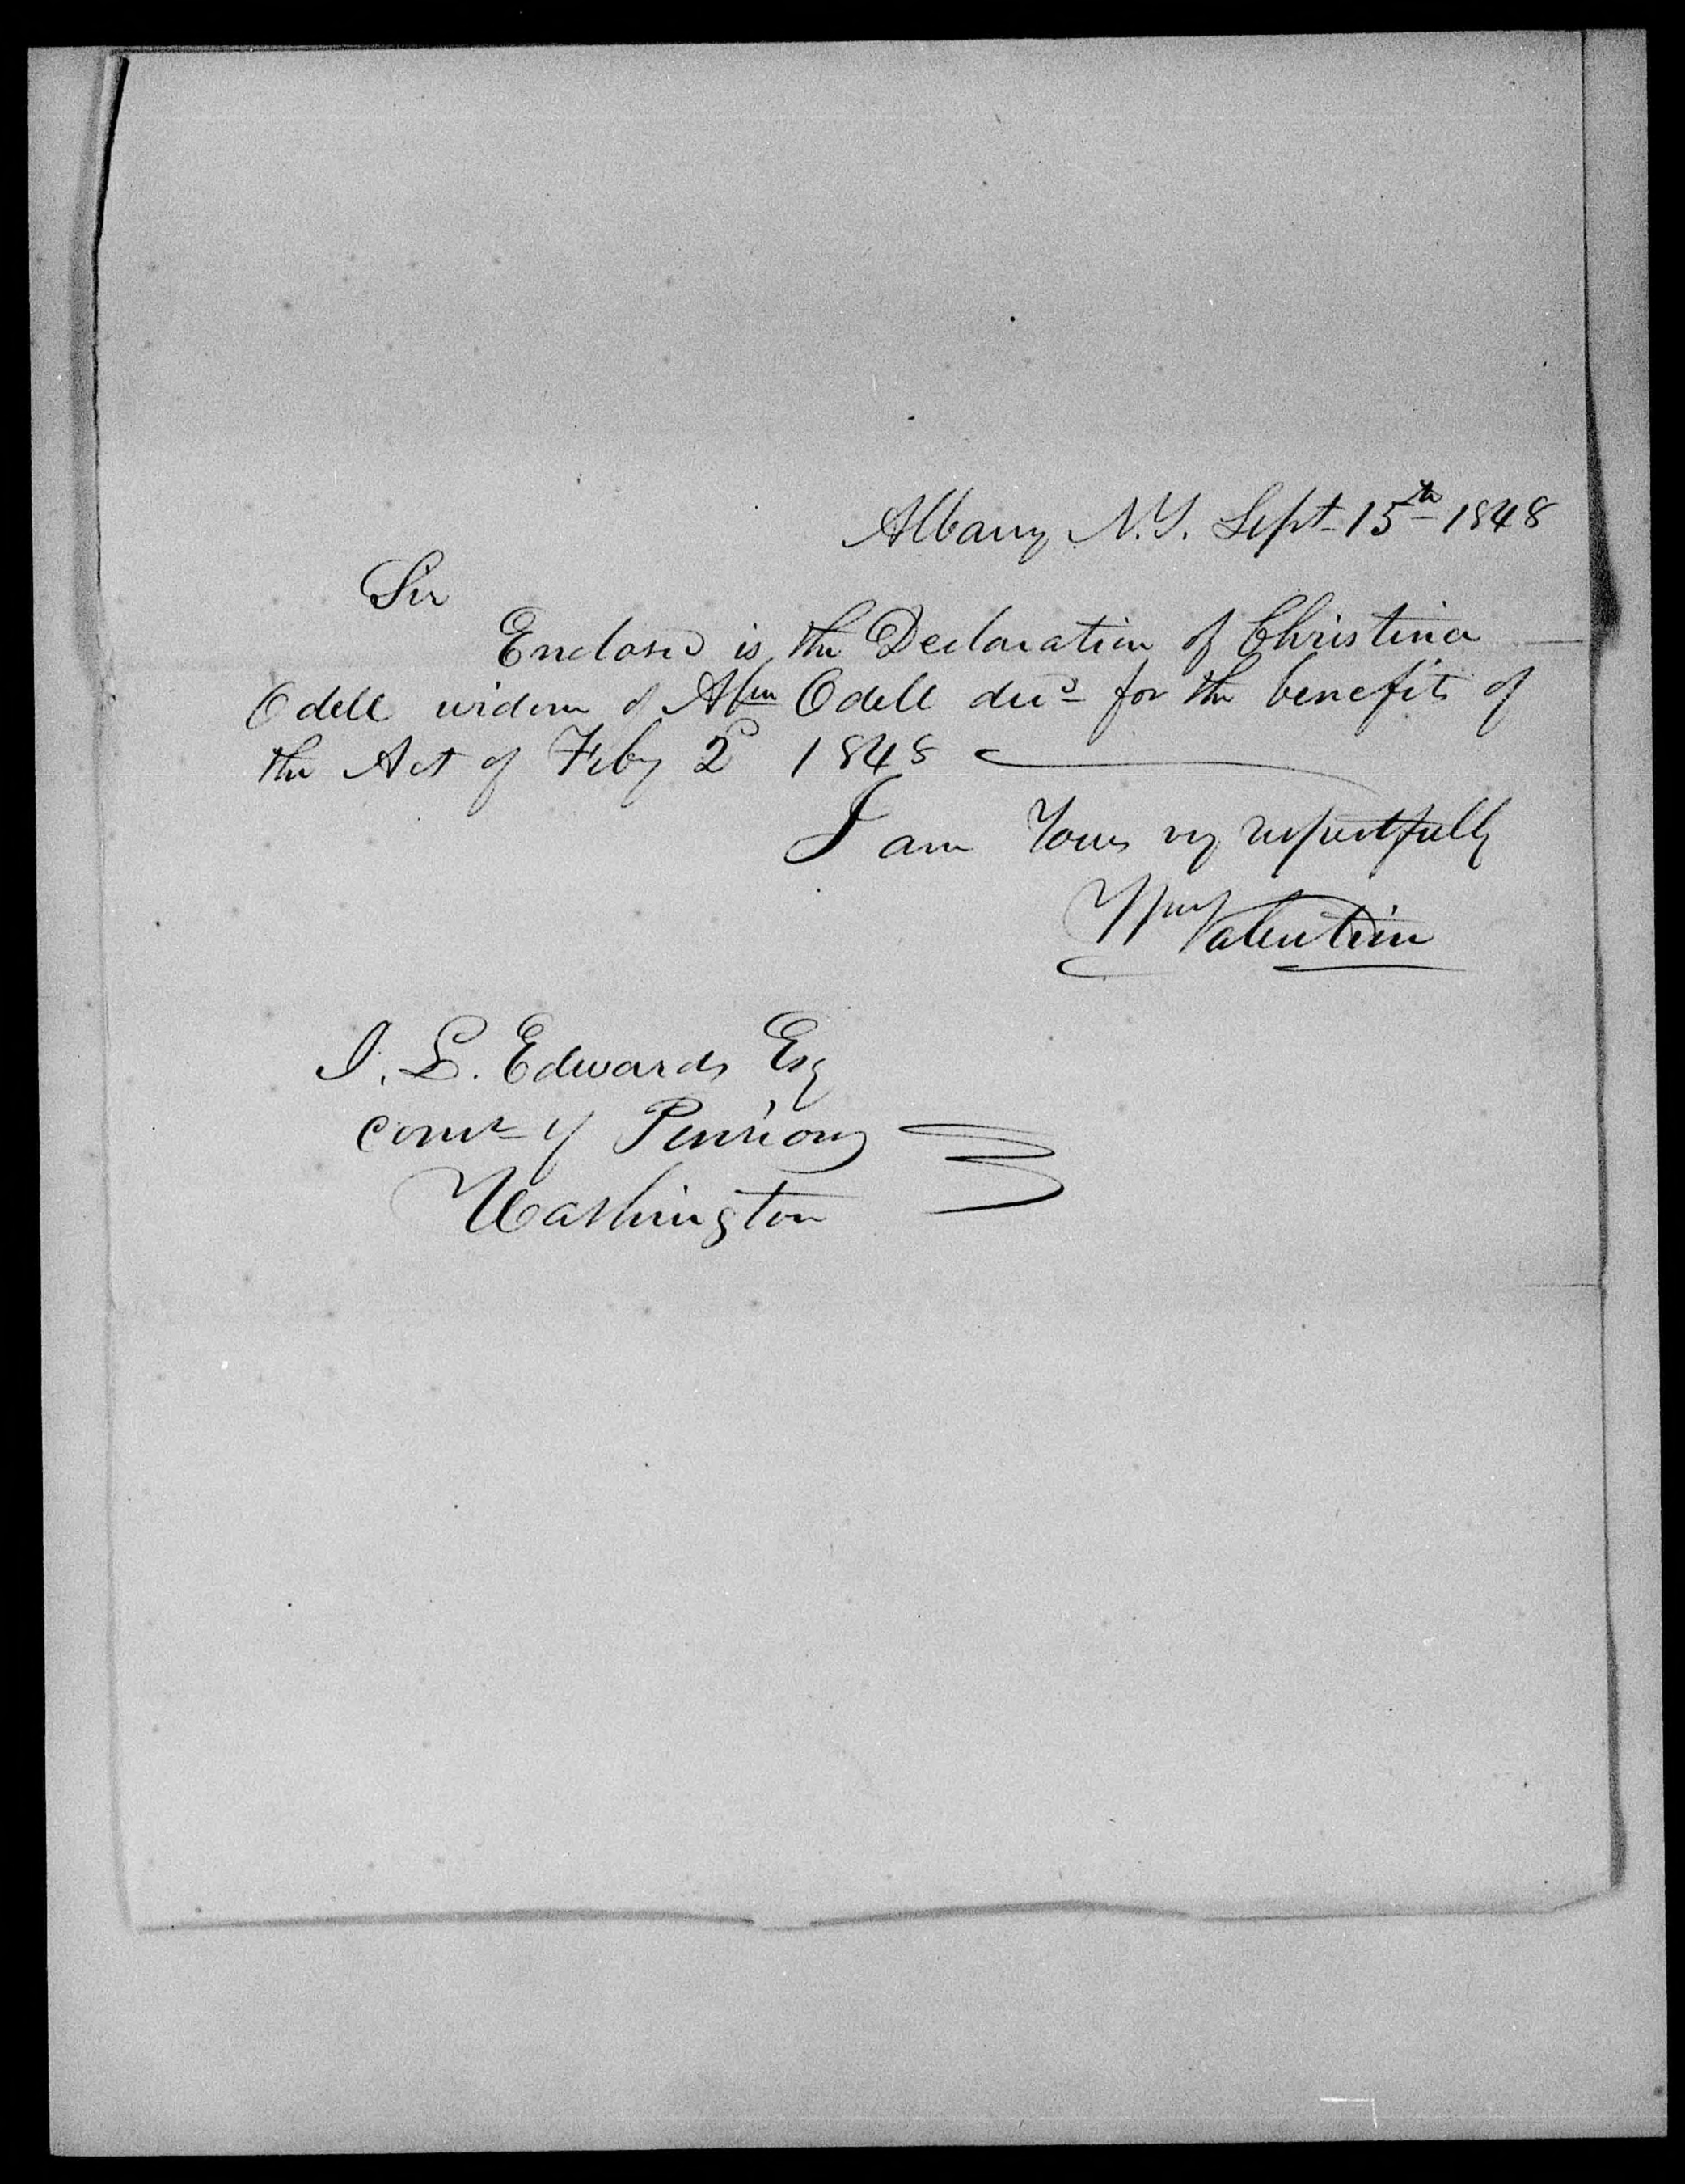Albany N.Y. Sept. 15th- 1848
Sir
Enclosed is the Declaration of Christina Odell widow of Abm. Odell decd. for the benefits of the Act of Feby. 2d 1848 ---- 
I am Yours very respectfully. Wm Valentine [signature] 

J.L. Edwards, Esq
Comr. of Pensions Washington }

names: Abm Odell; Christina Odell; Wm Valentine; J L Edwards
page: 17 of 19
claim: widow's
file: W. 24363, for Abraham Odell, New York